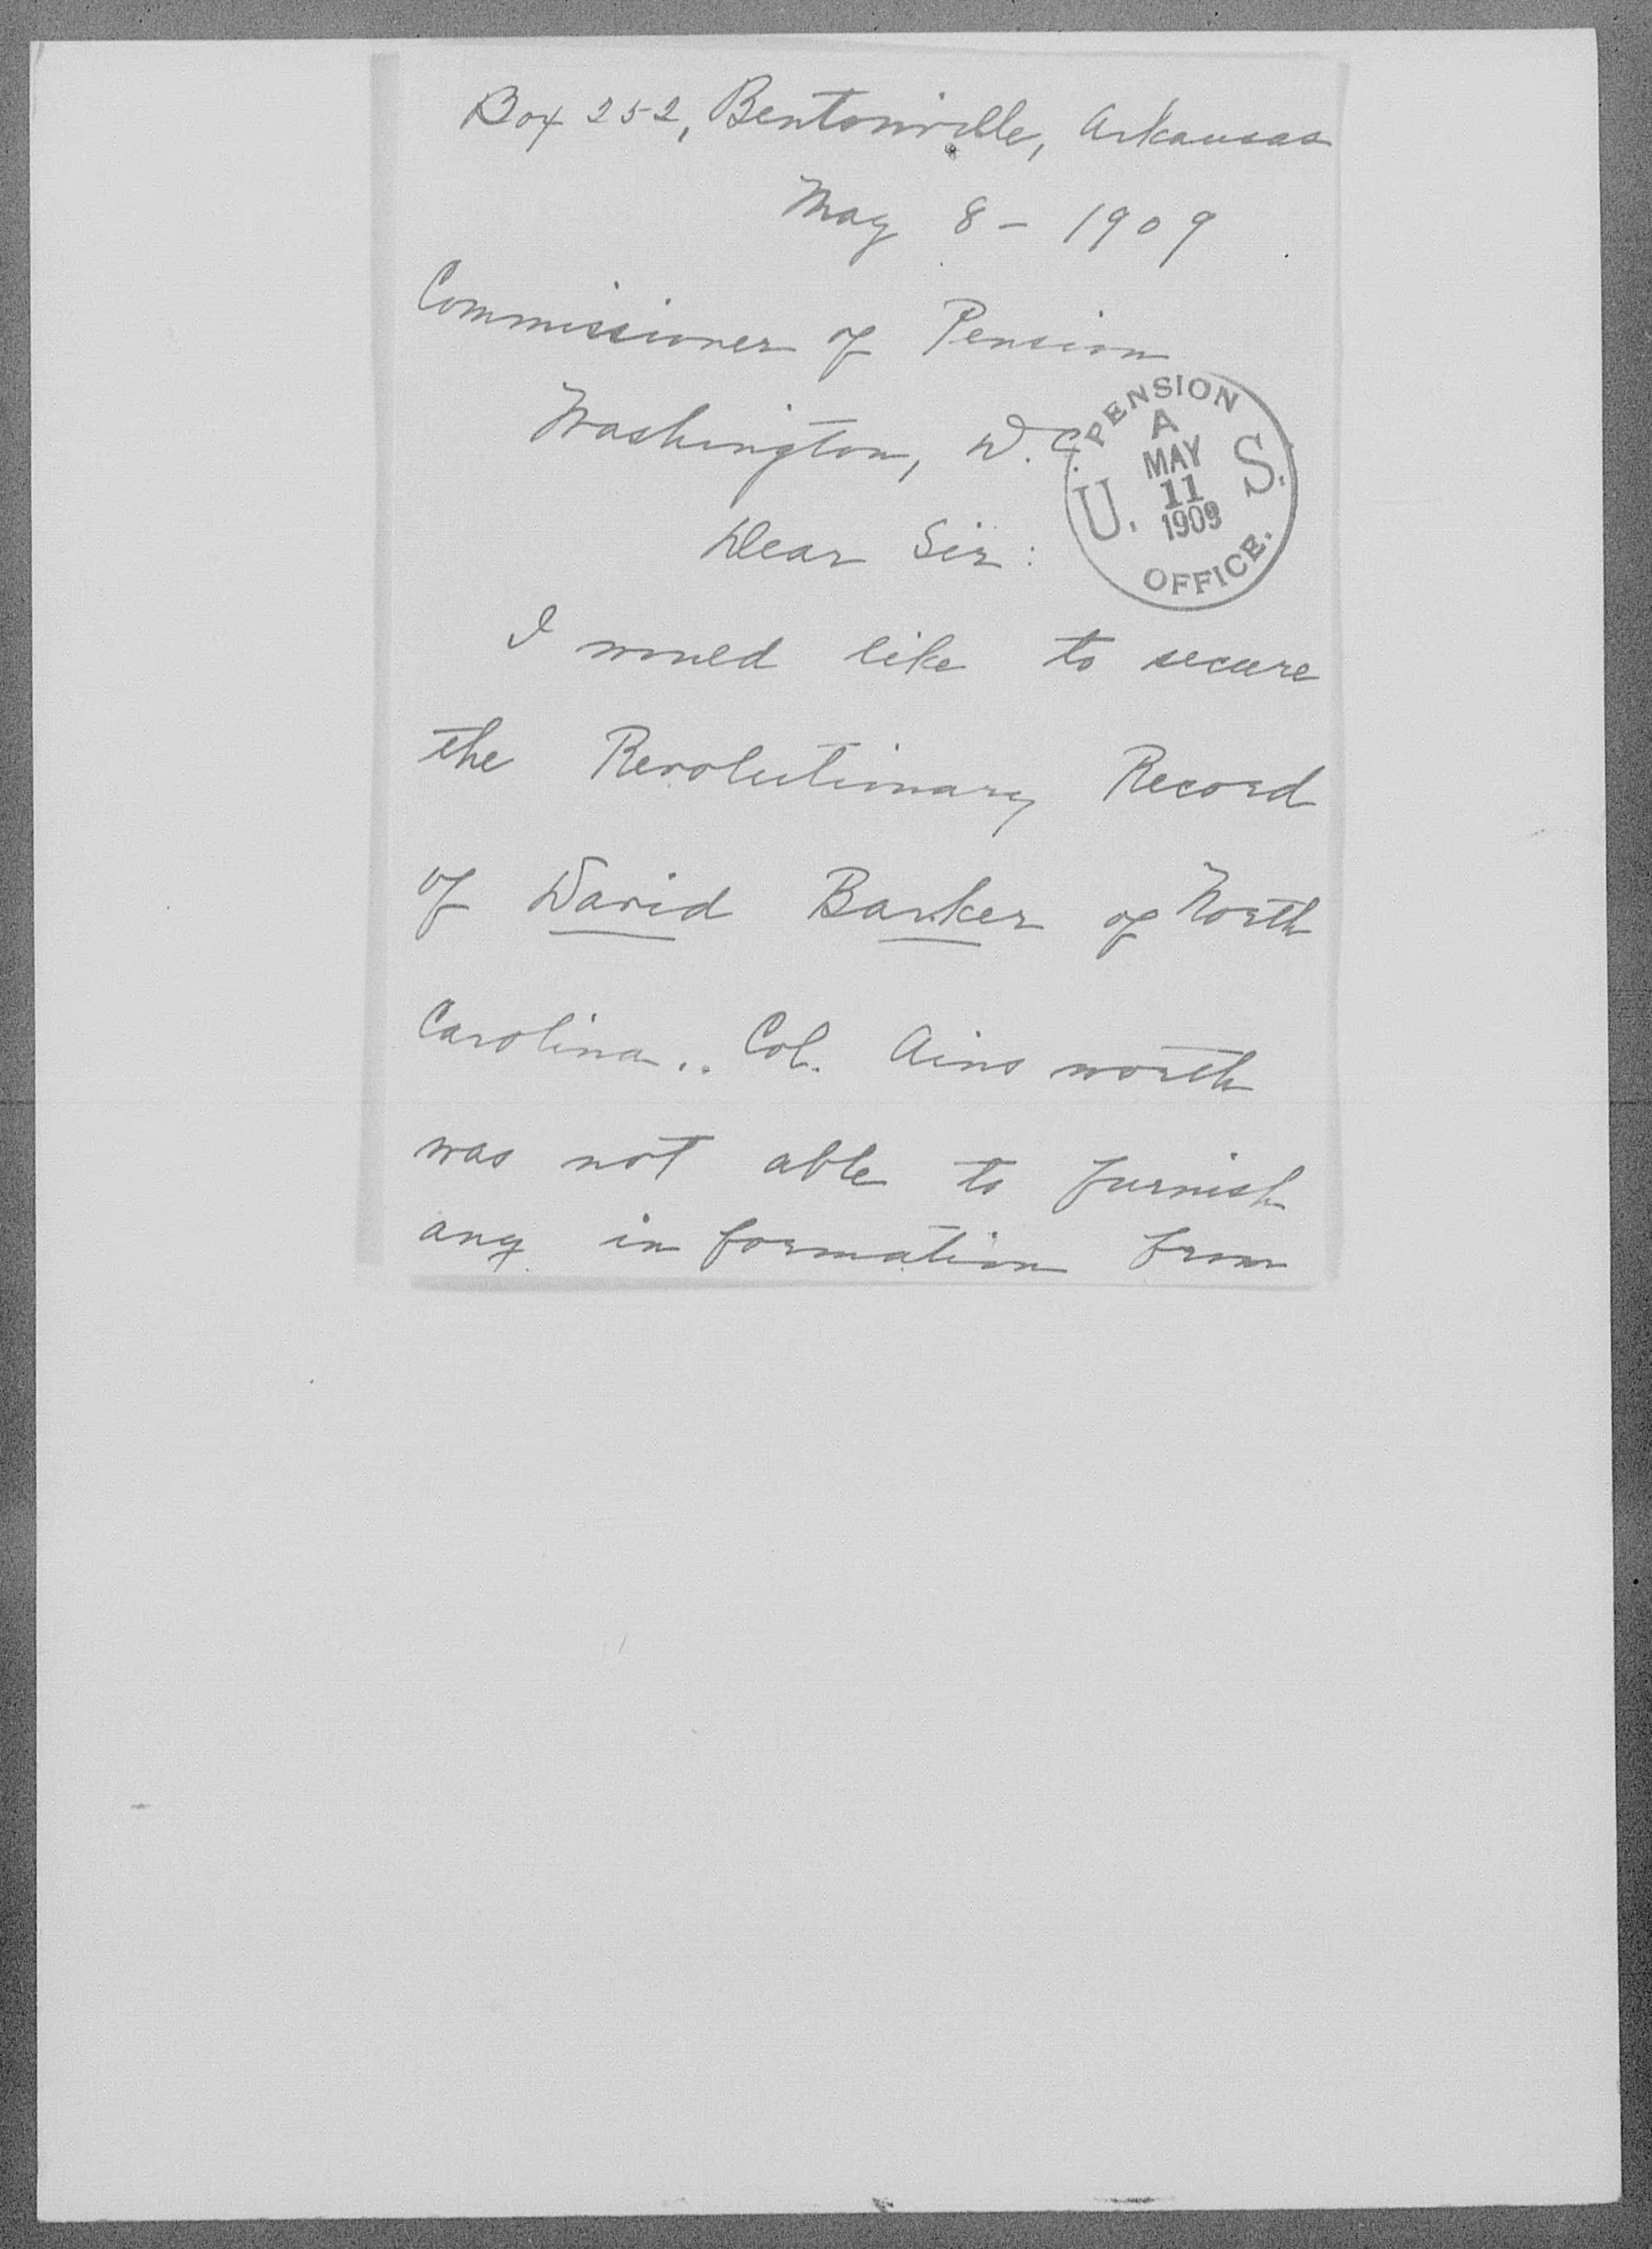Box 252, Bentonville, Arkansas
May 8 – 1909
Commissioner of Pension
Washington, D. C.

[Stamped – PENSION A MAY 11 1909 OFFICE. 
U. S.]

Dear Sir:
I would like to secure the Revolutionary Record of David Barker of North Carolina. Col. Ainsworth was not able to furnish any information from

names: Ainsworth, David Barker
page: 18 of 23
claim: survivor's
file: S. 6560, David Barker, N.C.